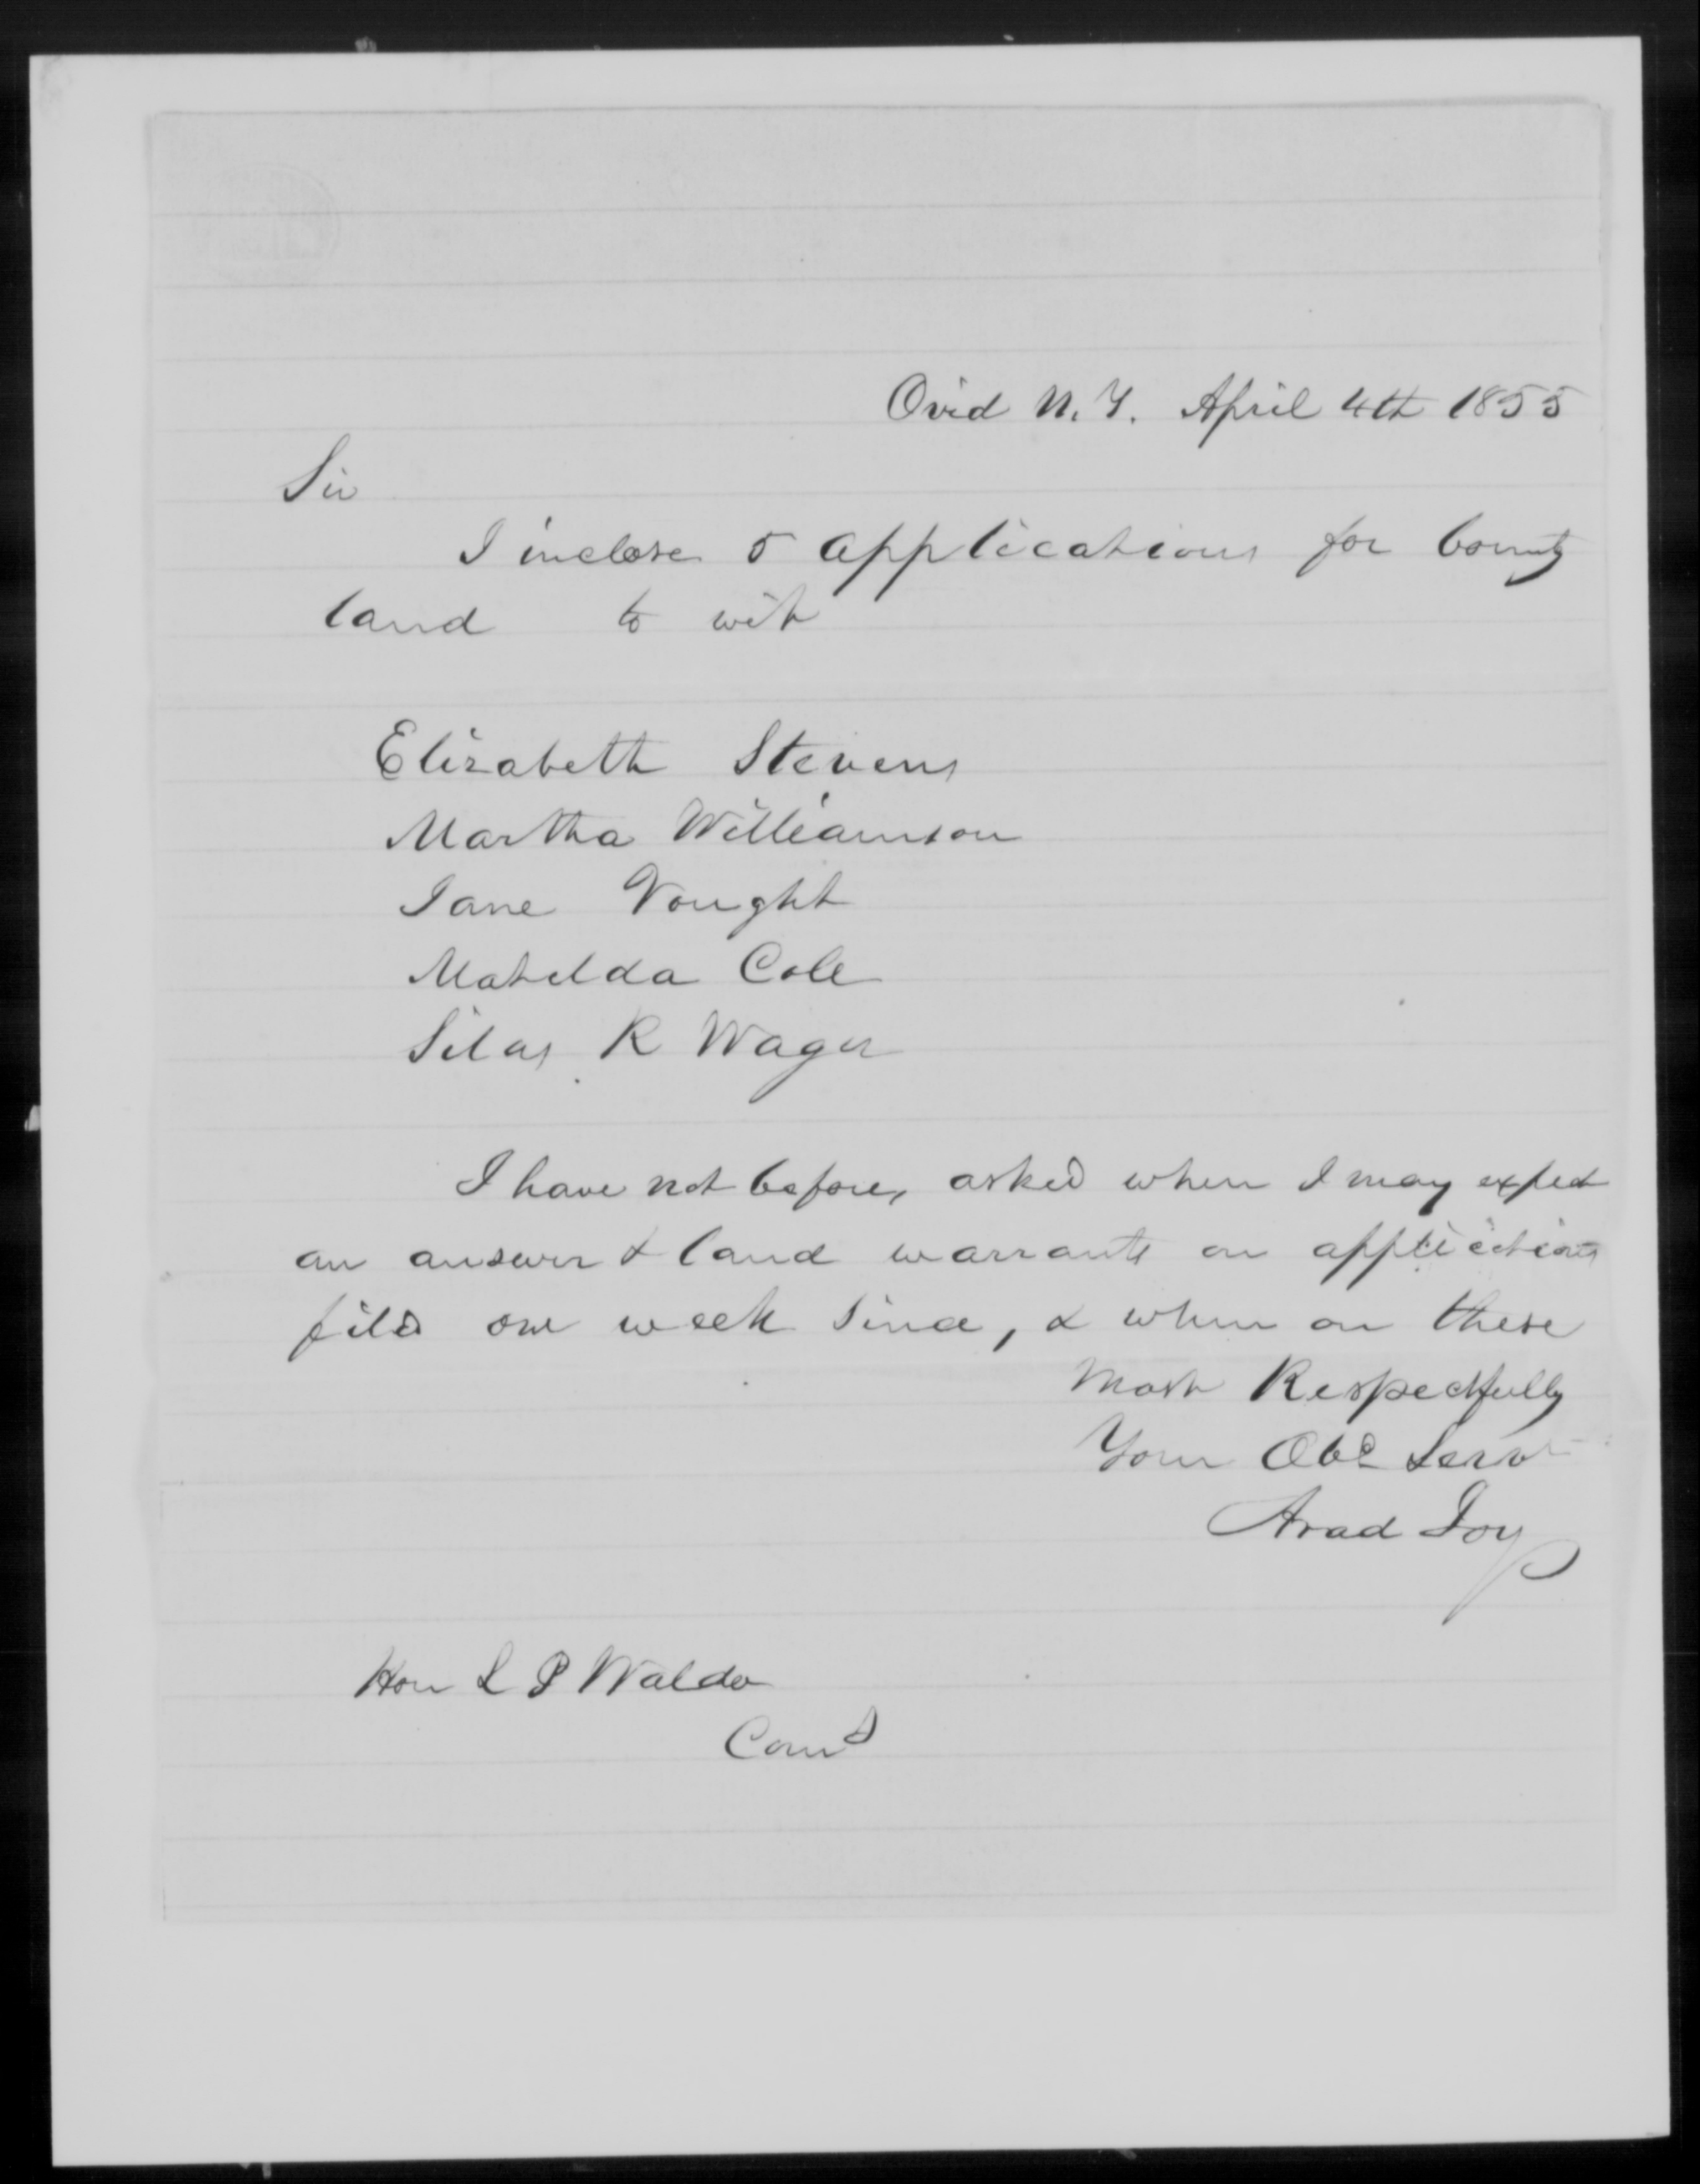Ovid, N.Y., April 4th 1855

Sir,

I enclose of applications for Bounty Land. To wit.:

Elizabeth Stevens
Martha Williamson
Jane Vought
Matilda Cole
Silas R. Wager

I have not before asked when I may expect an answer & Land Warrant on application filed one week since & where are these.

Most respectfully your obe(dient) ser(vant),
s/ Arad Joy 

Hon. L.P. Waldo
Comm(issioner of Pensions)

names: Matelda Cole, Silas R Wager, L P Waldo, Elizabeth Stevens, Arad Joy, Martha Williamson, Jane Vought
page: 34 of 67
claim: widow's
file: W. 2393, Jacob Williamson, New Jersey